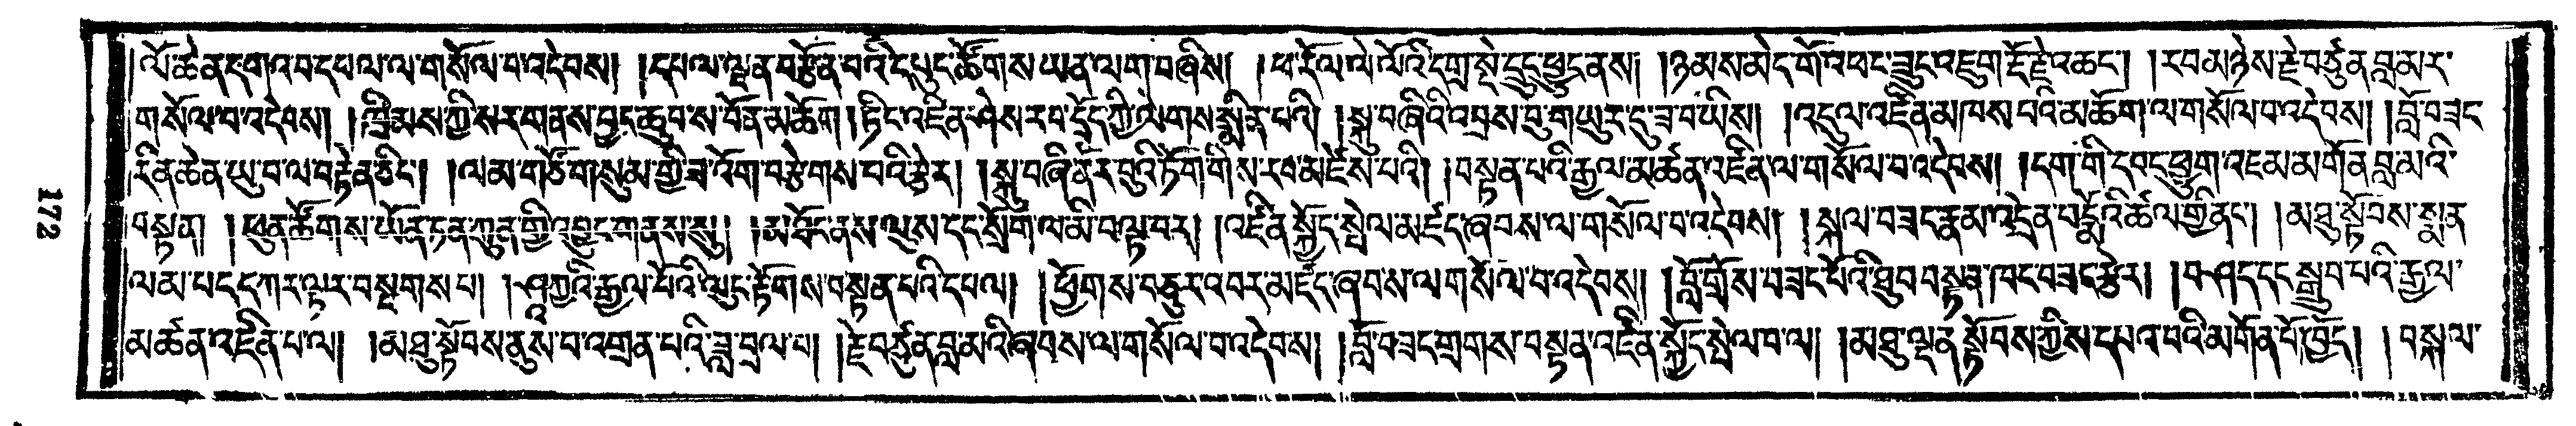ལོ་ཆེན་དགའ་བ་དཔལ་ལ་གསོལ་བ་འདེབས། །དཔལ་ལྡན་བརྩོན་བའི་དཔུང་ཚོགས་ཡན་ལག་བཞིས། །ཕ་རོལ་ལེ་ལོའི་དགྲ་སྡེ་དྲུང་ཕྱུང་ནས། །ཉམས་མེད་གོ་འཕང་ཟུང་འཇུག་རྡོ་རྗེ་འཆང་། །རབ་མཉེས་རྗེ་བཙུན་བླ་མར་
གསོལ་བ་འདེབས། །ཁྲིམས་ཀྱི་སར་གནས་བྱང་ཆུབ་ས་བོན་མཆོག །ཏིང་འཛིན་ཤེས་རབ་དྲོད་ཀྱི་ལེགས་སྨིན་པའི། །སྐུ་བཞིའི་འབྲས་བུ་གཡུར་དུ་ཟ་བ་ཡིས། །འདུལ་འཛིན་མཁས་པའི་མཆོག་ལ་གསོལ་བ་འདེབས། །བློ་བཟང་
རིན་ཆེན་ཡུ་བ་ལ་བརྟེན་ཅིང་། །ལམ་གཙོ་གསུམ་གྱི་ཟ་འོག་བརྩེགས་བའི་རྩེར། །སྐུ་བཞི་ནོར་བུའི་ཏོག་གིས་རབ་མཛེས་པའི། །བསྟན་པའི་རྒྱལ་མཚན་འཛིན་ལ་གསོལ་བ་འདེབས། །དག་གི་དབང་ཕྱུག་འཇམ་མགོན་བླ་མའི་
བསྟན། །ཕུན་ཚོགས་ཡོན་ཏན་ཀུན་གྱི་འབྱུང་གནས་སུ། །མཐོང་ནས་ལུས་དང་སྲོག་ལ་མི་བལྟ་བར། །འཛིན་སྐྱོད་སྤེལ་མཛད་ཞབས་ལ་གསོལ་བ་འདེབས། །སྐལ་བཟང་རྣམ་འདྲེན་པདམོའི་ཚལ་གྱི་ནང་། །མཐུ་སྟོབས་སྨན་
ལམ་པད་དཀར་ལྟར་བསྔགས་པ། །ཤཱཀྱའི་རྒྱལ་པོའི་ལུང་རྟོགས་བསྟན་པའི་དཔལ། །ཕྱོགས་བཅུར་འབར་མཛད་ཞབས་ལ་གསོལ་བ་འདེབས། །བློ་གྲོས་བཟང་པོའི་ཐུབ་བསྟན་ཁང་བཟང་རྩེར། །བཤད་དང་སྒྲུབ་པའི་རྒྱལ་
མཚན་འཛིན་པ་ལ། །མཐུ་སྟོབས་ནུས་པ་འགྲན་པའི་ཟླ་བྲལ་པ། །རྗེ་བཙུན་བླ་མའི་ཞབས་ལ་གསོལ་བ་འདེབས། །བློ་བཟང་གྲགས་བསྟན་འཛིན་སྐྱོང་སྤེལ་བ་ལ། །མཐུ་ལྡན་སྟོབས་ཀྱིས་དཔའ་བའི་མགོན་པོ་ཁྱོད། །བསྐལ་